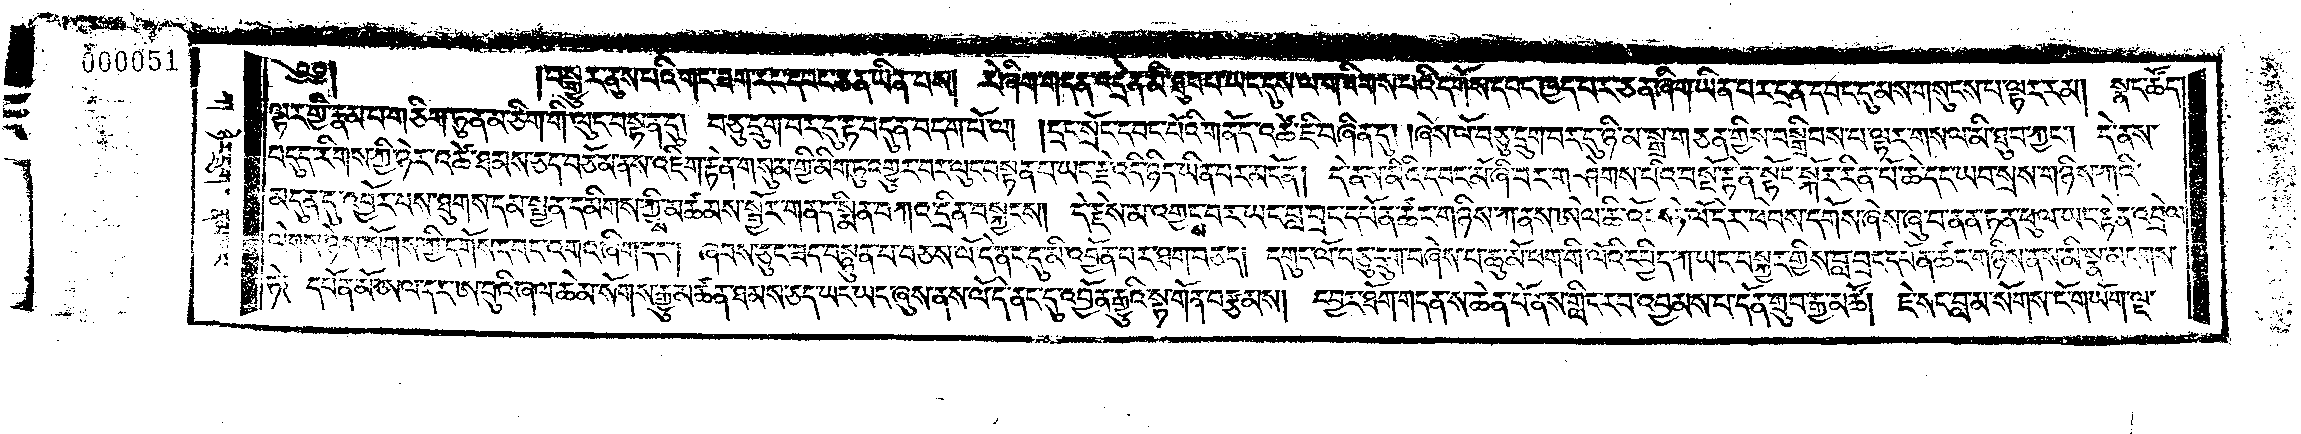༄༅། །བསྒྱུར་ནུས་པའི་གང་ཟག་རང་དབང་ཅན་ཡིན་པས། རེ་ཞིག་གདན་འདྲེན་མི་ཐུབ་པ་ཡང་དུས་ལ་གཟིགས་པའི་དགོས་དབང་ཁྱད་པར་ཅན་ཞིག་ཡིན་པར་དྲན་དབང་དུ་མས་གསུངས་པ་ལྟར་རམ། སྣང་ཚོད་
ལྟར་གྱི་རྣམ་པ་གཅིག་ཏུ་ན་མ་ཅིག་གི་ལུང་བསྟན་དུ། བཅུ་དྲུག་བར་དུ་རྟ་བདུན་བདག་པོ་ལ། །དྲང་སྲོང་དབང་པོའི་གནོད་འཚེ་ཇི་བཞིན་དུ། །ཞེས་ལོ་བཅུ་དྲུག་བར་དུ་ཉི་མ་སྒྲ་གཅན་གྱིས་བསྒྲིབས་པ་ལྟར་གསལ་མི་ཐུབ་ཀྱང་། དེ་ནས་
བདུད་རིགས་ཀྱི་ཉེར་འཚེ་ཐམས་ཅད་བཅོམ་ནས་འཇིག་རྟེན་གསུམ་གྱི་མིག་ཏུ་འགྱུར་བར་ལུང་བསྟན་པ་ཡང་རྗེ་འདི་ཉིད་ཡིན་པར་མངོན། དེ་ནས་མིའི་དབང་མོ་ཞི་བར་གཤེགས་པའི་བསྔོ་རྟེན་སྟོང་སྐོར་རིན་པོ་ཆེ་དང་ཡབ་སྲས་གཉིས་ཀའི་
མདུན་དུ་འབྱོར་པས་ཐུགས་དམ་སྤྱན་དམིགས་ཀྱིས་མཚམས་སྦྱོར་གནད་སྨིན་བཀའ་དྲིན་བསྐྱངས། དེ་རྗེས་མ་འགྱངས་བར་ཡང་བླ་བྲང་དཔོན་ཚང་གཉིས་ཀ་ནས་ཨེལ་ཆི་འོངས་ཏེ?་ལོ་དེར་ཕེབས་དགོས་ཞེས་ཞུ་བ་ནན་ཏན་ཕུལ་ཡང་རྟེན་འབྲེལ་
ལེགས་ཉེས་སོགས་ཀྱི་དགོས་དབང་འགའ་ཞིག་དང་། ཞབས་ཅུང་ཟད་བསྙུན་པ་བཅས་ལོ་དེ་ནང་དུ་མི་འབྱོན་པར་ཐག་བཅད། དགུང་ལོ་བཅུ་དྲུག་བཞེས་པ་ཆུ་མོ་ཕག་གི་ལོའི་དཔྱིད་ཀ་ཡང་བསྐྱར་གྱིས་བླ་བྲང་དཔོན་ཚང་གཉིས་ནས་མི་སྣ་མངགས་
ཏེ༑ དཔོན་མོ་ཨལ་དར་ཨ་བུའི་ཞལ་ཆེམ་སོགས་རྒྱུ་མཚན་ཐམས་ཅད་ཡང་ཡང་ཞུས་ནས་ལོ་དེ་ནང་དུ་འབྱོན་རྒྱུའི་སྟ་གོན་བརྩམས། དབྱར་ཐོག་གདན་ས་ཆེན་པོ་ནས་གླིང་རབ་འབྱམས་པ་དོན་གྲུབ་རྒྱ་མཚོ། ཇེ་སང་བླ་མ་སོགས་ངོ་གཡོག་ལྔ་